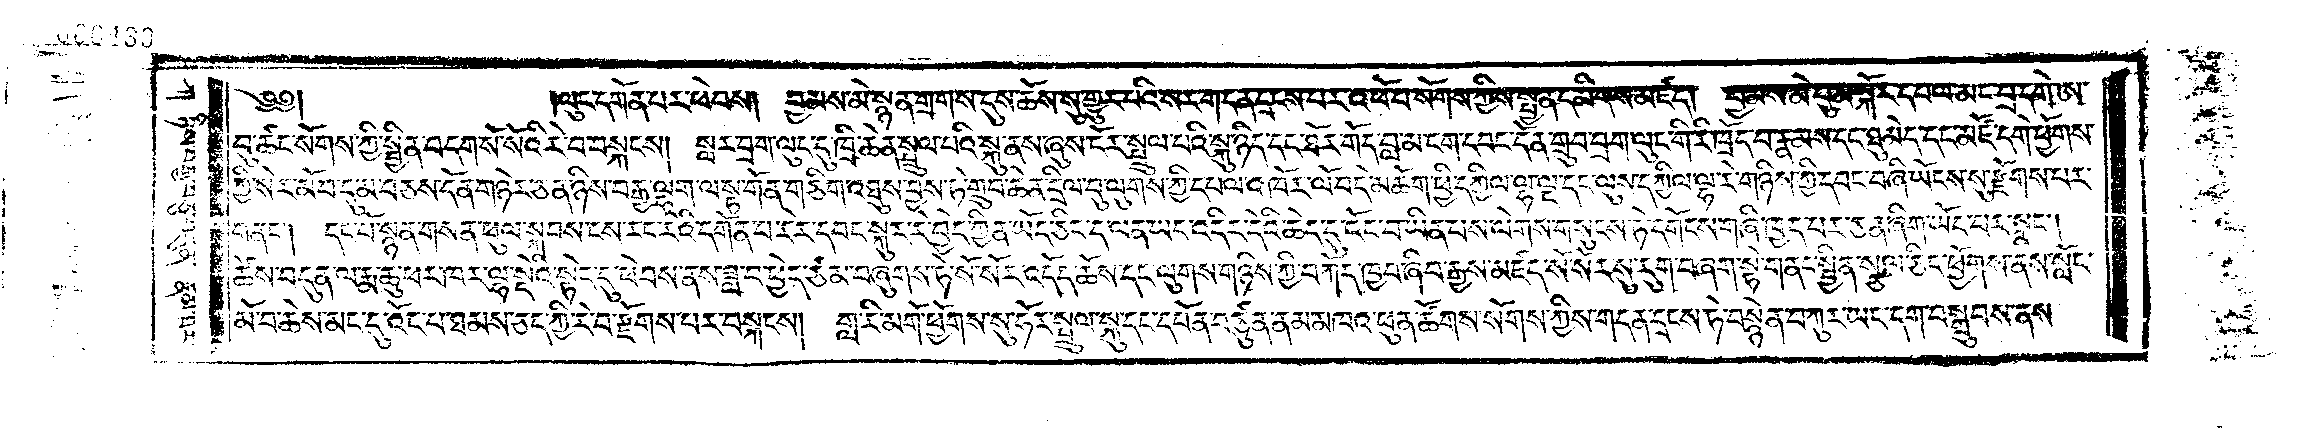༄༅། །ལུང་དགོན་པར་ཕེབས། བྱམས་མེ་སྙན་གྲགས་དུས་ཆོས་སུ་གྱུར་པའི་སར་གདན་དྲངས་པར་འཕོ་བ་སོགས་ཀྱིས་སྤྱན་དམིགས་མཛད། བྱམས་མེ་བུམ་སྐོར་དབལ་མང་བྲ་དགེ་ཨ་
བུ་ཚང་སོགས་ཀྱི་སྦྱིན་བདག་སོ་སོའི་རེ་བ་བསྐངས། སླར་བྲག་ལུང་དུ་ཁྲི་ཆེན་སྤྲུལ་པའི་སྐུ་ནས་ཞུས་ངོར་སྤྲུལ་པའི་སྐུ་ཉིད་དང་ཐོར་གོད་བླ་མ་ངག་དབང་དོན་གྲུབ་བྲག་ལུང་གི་རི་ཁྲོད་པ་རྣམས་དང་ཐུ་མེད་དང་མཛོ་དགེ་ཕྱོགས་
ཀྱི་སེར་མོ་བ་དུ་མ་བཅས་དོན་གཉེར་ཅན་ཉིས་བརྒྱ་ལྷག་ལ་སྟ་གོན་གཅིག་འཐུས་བྱས་ཏེ་གྲུབ་ཆེན་དྲིལ་བུ་ལུགས་ཀྱི་དཔལ་འཁོར་ལོ་བདེ་མཆོག་ཕྱི་དཀྱིལ་ལྷ་ལྔ་དང་ལུས་དཀྱིལ་ལྷ་རེ་གཉིས་ཀྱི་དབང་བཞི་ཡོངས་སུ་རྫོགས་པར་
གནང་། དང་པོ་སྙན་གསན་ཕུལ་སྐབས་ངས་རང་རེའི་དགོན་པ་རེར་དབང་སྐུར་རེ་བྱེད་ཀྱིན་ཡོད་ཅིང་ད་ལན་ཡང་འདིར་དེའི་ཆེད་དུ་འོང་བ་ཡིན་པས་ལེགས་གསུངས་ཏེ་དགོངས་གཞི་ཁྱད་པར་ཅན་ཞིག་ཡོད་པར་སྣང་།
ཚེས་བདུན་ལ་རྨ་ཆུ་ཕར་ཁར་ལྷ་སྡེའི་སྟེང་དུ་ཕེབས་ནས་ཟླ་བ་ཕྱེད་ཙམ་བཞུགས་ཏེ་སོ་སོར་འདོད་ཆོས་དང་ལུགས་གཉིས་ཀྱི་བཀོད་ཁྱབ་ཞིབ་རྒྱས་མཛད་སོ་སོར་སུ་རུག་བཞག་སྟེ་གནང་སྦྱིན་སྩལ་ཅིང་ཕྱོགས་ནས་སློང་
མོ་བ་ཆེས་མན་དུའོང་པ་ཐམས་ཅད་ཀྱི་རེ་བ་རྫོགས་པར་བསྐངས། གླ་རི་མགོ་ཕྱོགས་སུ་ཧོར་སྤྲུལ་སྐུ་དང་དཔོན་བཙུན་ནམ་མཁའ་ཕུན་ཚོགས་སོགས་ཀྱིས་གདན་དྲངས་ཏེ་བསྙེན་བཀུར་ཡང་དག་བསྒྲུབས་ནས་